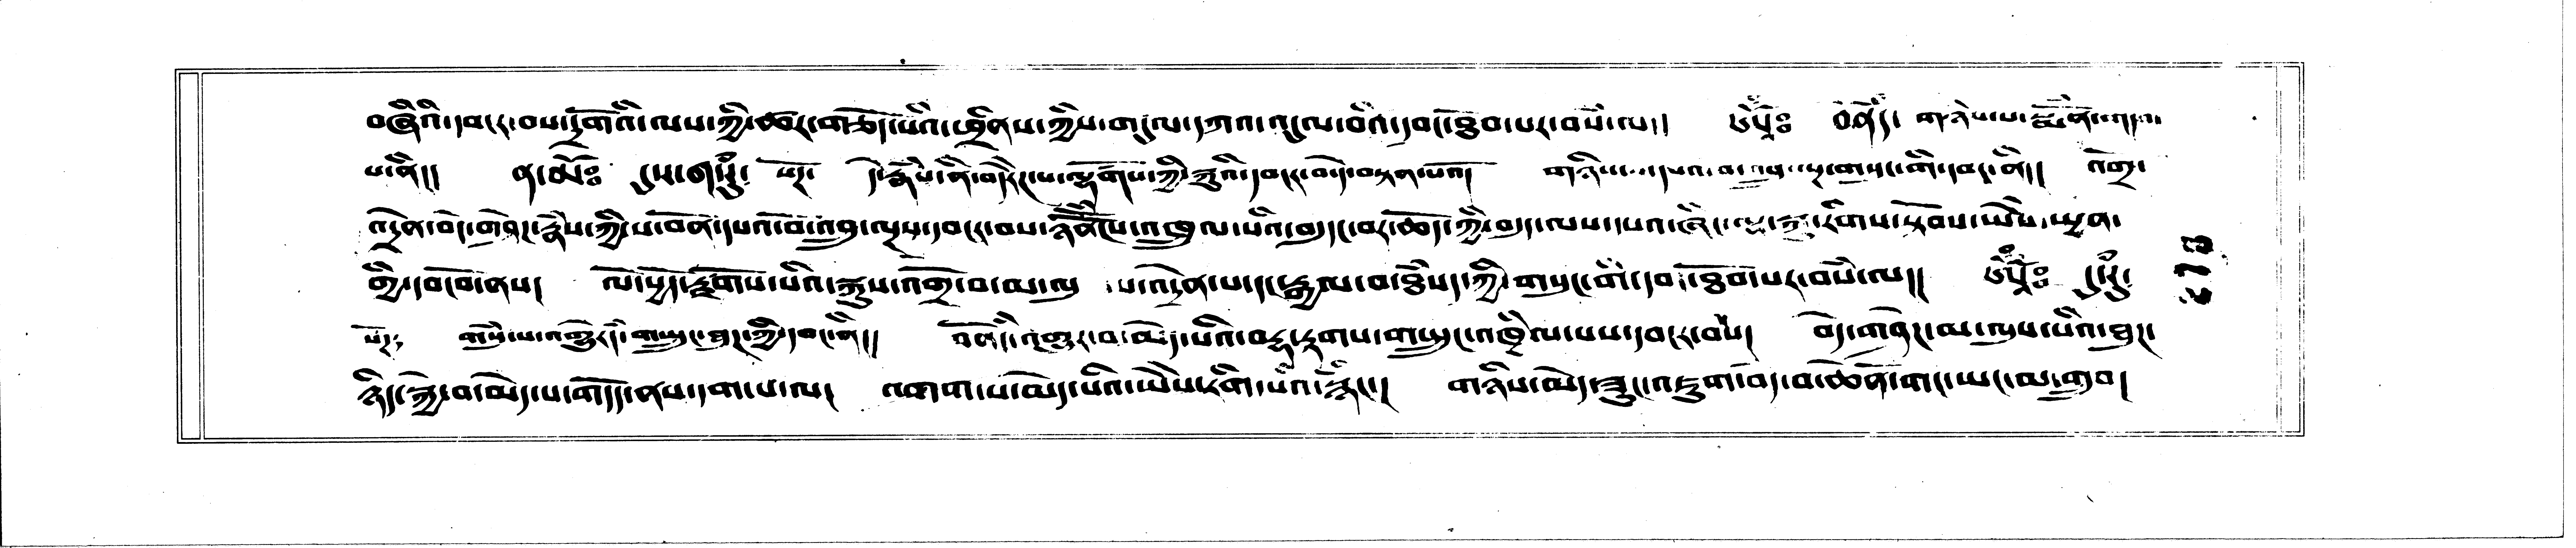བཞིའི་དབང་བསྐུར་བས་དྲག་པོའི་ལས་ཀྱིས་ཚར་གཅོད་པའི་འཕྲིན་ལས་ཀྱིས་གདུལ་དཀའ་འདུལ་བའི་དབང་ཐོབ་པར་བསམ་ལ། ཨཱོྃཿ བོན་ཉིད། གཉིས་པ་སྨོན་ལམ་གདབ་
པ་ནི། ན་མོཿ དུས་གསུམ། སོགས། དེ་རྣམས་ནི་བདེ་བར་གཤེགས་པ་ལྷ་ཚོགས་ཀྱི་སྐུ་ཡི་དབང་བསྐུར་བ་དེ་བསྟན་པའོ། གཉིས་པ་དཔའ་བོ་འབྲུ་ལྔ་གསུང་གི་དབང་བསྐུར་བ་ནི། འགྲོ་
འདྲེན་བདེར་གཤེགས་རྣམས་ཀྱི་ས་བོན་དཔའ་བོ་འབྲུ་ལྔས་དབང་བསྐུར་བས་ཉོན་མོངས་འཁྲུལ་པའི་བདུད་དང་བར་ཆོད་ཀྱི་བདུད་ལས་དཔའ་ཞིང་ལྷ་སྐུ་རིག་སྟོབས་ཡེ་ཤེས་སྤྱན་
གྱི་དབང་ཐོབ་ནས། ལོངས་སྤྱོད་རྫོགས་པའི་སྐུས་འགྲོ་བ་མ་ལུས་པ་འདྲེན་པ་དང་། རྒྱལ་བ་ཐམས་ཅད་ཀྱི་གསུང་གི་དབང་ཐོབ་པར་བསམ་ལ། ཨཱོྃཿ དུས་གསུམ༑
 སོགས། གསུམ་པ་འགྱུར་མེད་གཡུང་དྲུང་ཐུགས་ཀྱི་དབང་ནི། བོན་ཉིད་འགྱུར་བ་མེད་པའི་བརྡ་རྟགས་གཡུང་དྲུང་འཁྱིལ་བས་དབང་བསྐུར་བས། བདེར་གཤེགས་མ་ལུས་པའི་ཐུགས་
ཉིད་སྐྱེ་བ་མེད་པ་གདོད་ནས་དག་པ་ལ་འགག་པ་མེད་པའི་ཡེ་ཤེས་རིག་པའི་སྙིང་། གཉིས་མེད་ཟུང་འཇུག་བདེ་བ་ཆེན་པོ་གང་ཡང་མ་གྲུབ།